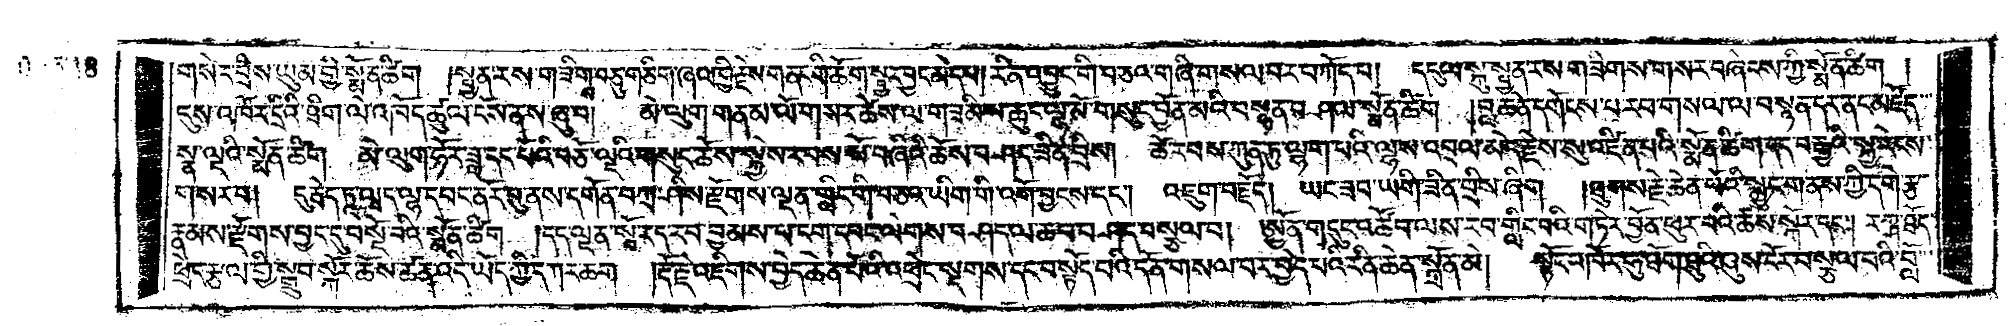གསེར་བྲིས་ཡུམ་གྱི་སྨོན་ཚིག །སྤྱན་རས་གཟིགས་བཅུ་གཅིག་ཞལ་གྱི་རྗེས་གནང་གི་ཆོ་ག་སྦྱར་བྱང་མེད་པ། རིན་འབྱུང་གི་བཅའ་གཞི་གསལ་བར་བཀོད་པ། དངུལ་སྐུ་སྤྱན་རས་གཟིགས་གསར་བཞེངས་ཀྱི་སྨོན་ཚིག །
དུས་འཁོར་དྲིའི་ཐིག་ལེ་འཁོད་ཚུལ་ངོས་ནས་ཞུ་བ། མེ་ལུག་གནམ་ལོ་གསར་ཚེས་ལ་གཟིམས་ཆུང་ལྷ་མོ་གསུང་བྱོན་མའི་བསྙན་བཤལ་སྨོན་ཚིག །བླ་ཆེན་དགོངས་པ་རབ་གསལ་ལ་བསྙན་དར་ནང་མཛོད་
སྣ་ལྔའི་སྨོན་ཚིག་མེ་ལུག་ཧོར་ཟླ་དང་པོའི་བཅོ་ལྔའི་གསུང་ཆོས་སྐྱེས་རབས་སོ་བཞིའི་ཆོས་བཤད་ཟིན་བྲིས། ཚེ་རབས་ཀུན་ཏུ་ལྷག་པའི་ལྷས་འབྲལ་མེད་རྗེས་སུ་འཛིན་པའི་སྨོན་ཚིག་དད་བརྒྱའི་སྐྱ་རེངས་
གསར་བ། དུ་རྦེད་ཏཱ་ལྭད་ལྷ་དབང་ནོར་བུ་ནས་དགོན་བཀྲ་ཤིས་རྫོགས་ལྡན་གླིང་གི་བཅའ་ཡིག་གི་འོག་བྱངས་དང་། འཇུག་བརྗོད། ཡང་ཟབ་ཡིག་ཟིན་བྲིས་ཞིག །ཐུགས་རྗེ་ཆེན་པོའི་སྨྱུང་གནས་ཀྱི་དགེ་རྩ་
རྣམས་རྫོགས་བྱང་དུ་བསྔོ་བའི་སྨོན་ཚིག །དད་ལྡན་སྦོ་རད་རབ་བྱམས་པ་ངག་དབང་ལེགས་བཤད་ལ་ཆབ་བཤད་བསྩལ་བ། ཨཡོན་གདུང་འཚོབ་ལས་རབ་གླིང་བའི་གཏེར་བྱོན་ཕུར་བའི་ཚས་སྐོར་དང་། རཀྴ་ཐོད་
ཕྲེང་རྩལ་གྱི་སྒྲུབ་སྐོར་ཆོས་ཚན་འདི་ཡོད་ཀྱི་དཀར་ཆག །རྡོ་རྗེ་འཇིགས་བྱེད་ཆེན་པོའི་འཕྲེང་སྔགས་དང་བསྟོད་པའི་དོན་གསལ་བར་བྱེད་པའི་རིན་ཆེན་སྐྲོན་མེ། སྟོང་འཁོར་ཧུ་ཐོག་ཐུའི་ཞུས་ངོར་བསྩལ་བའི་བློ་